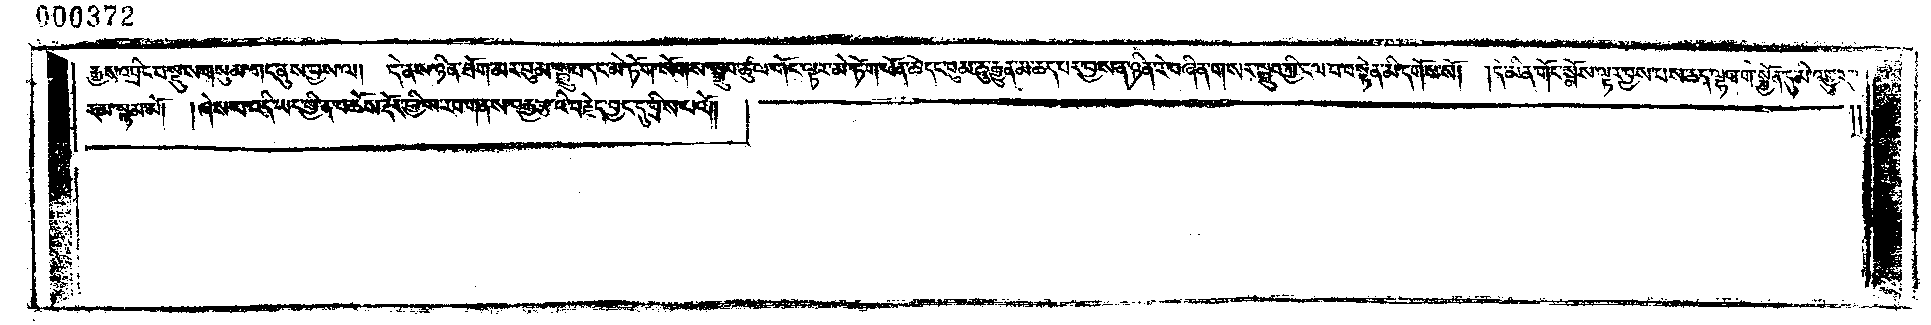རྒྱས་འབྲིང་བསྡུས་གསུམ་གང་ནུས་བྱས་ལ། དེ་ནས་ཉིན་ཐོག་མར་བུམ་སྒྲུབ་དང་མེ་ཏོག་སོགས་སྒྲུབ་ཚུལ་གོང་ལྟར་མེ་ཏོག་ཕོན་ཆེ་དང་བུམ་ཆུ་རྒྱུན་མ་ཆད་པར་བྱས་ན་ཉིན་རེ་བཞིན་གསར་སྒྲུབ་ཀྱི་ངལ་བ་བསྟེན་མི་དགོས་སོ། །དེ་མིན་གོང་སྨོས་ལྟར་བྱས་པས་ཆད་ལྷག་གི་སྐྱོན་དུ་མི་འགྱུར་
རམ་སྙམ་མོ། །ཞེས་པ་འདི་ཡང་གྱི་ན་བ་ཆོས་རྡོར་གྱིས་རབ་གནས་བརྒྱ་རྩའི་བརྗེད་བྱང་དུ་བྲིས་པའོ། ། ། །